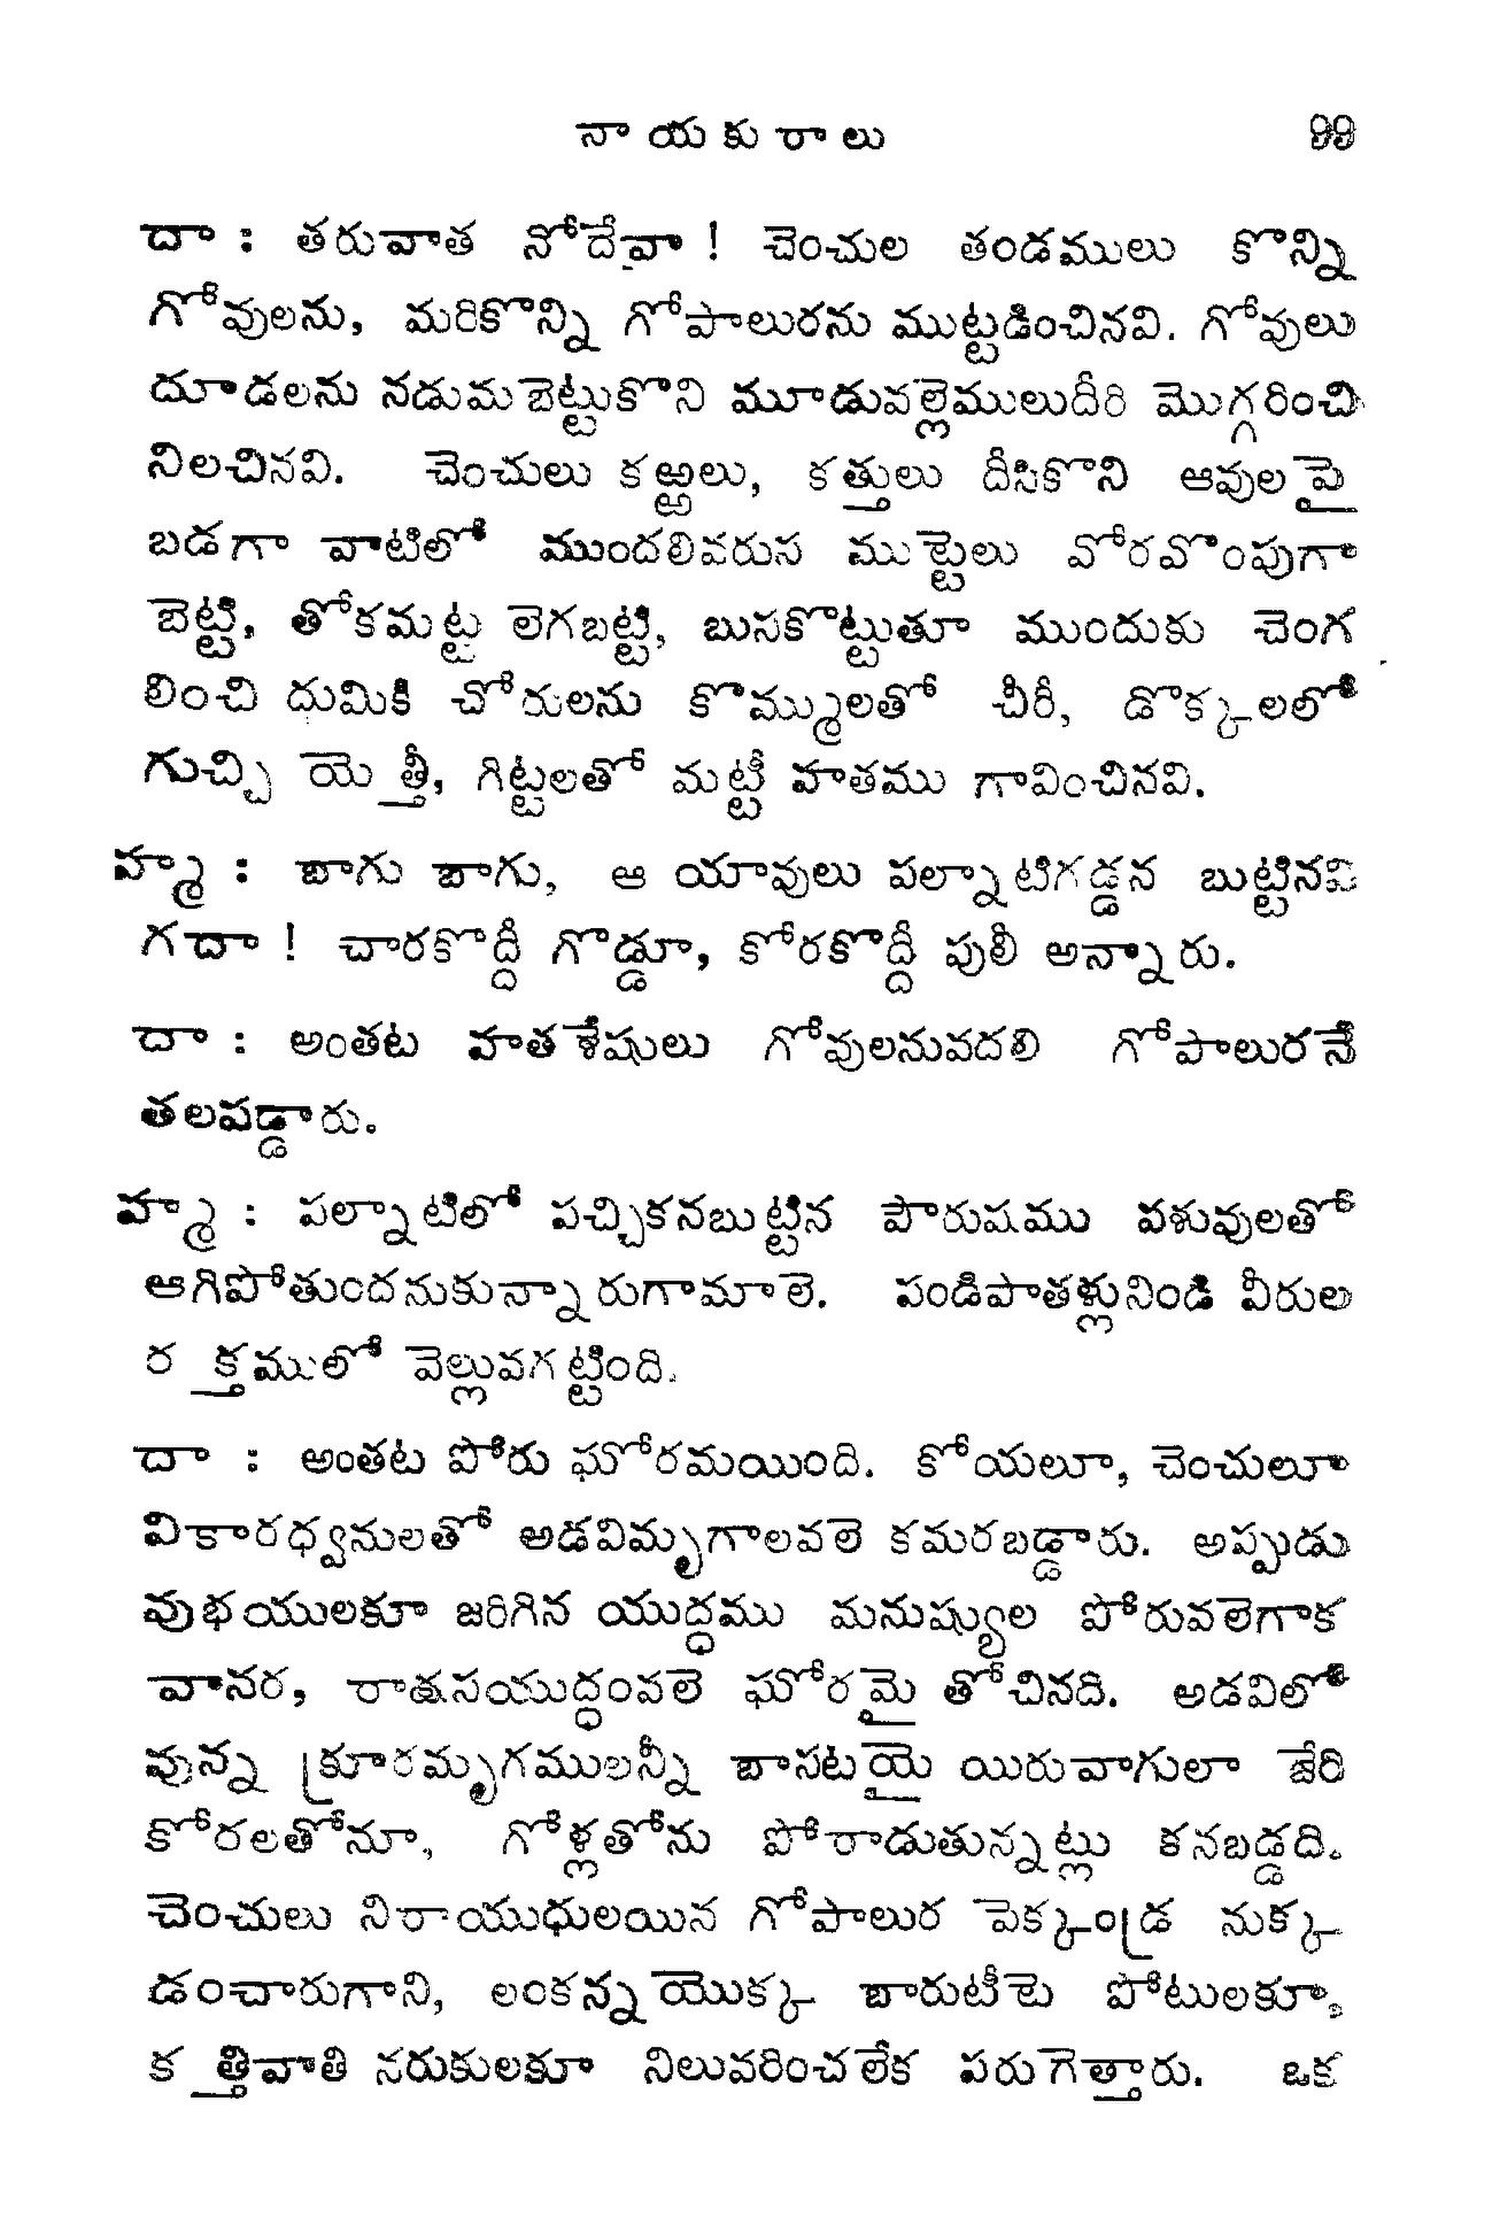క. దా: తరువాత నోదేవా ! చెంచుల తండములు కొన్ని గోవులను, మరికొన్ని గోపాలురను ముట్టడించినవి. గోవులు దూడలను నడుమ బెట్టుకొని మూడువల్లెములుదీరి మొగ్గరించి నిలచినవి. చెంచులు కఱ్ఱలు, కత్తులు దీసికొని ఆవులపై బడగా వాటిలో ముందలివరుస ముట్టెలు వోరవొంపుగా బెట్టి, తోకమట్ట లెగబట్టి, బుసకొట్టుతూ ముందుకు చెంగలించి దుమికి చోరులను కొమ్ములతో చీరీ, డొక్కలలో
గుచ్చి యెత్తీ, గిట్టలతో మట్టీ హతము గావించినవి.

బ్రహ్మ : బాగు బాగు, ఆ యావులు పల్నాటిగడ్డన బుట్టినవి గదా ! చారకొద్దీ గొడ్డూ, కోరకొద్దీ పులీ అన్నారు.

క. దా : అంతట హతశేషులు గోవులనువదలి గోపాలురనే తలపడ్డారు.

బ్రహ్మ : పల్నాటిలో పచ్చికనబుట్టిన పౌరుషము వశువులతో ఆగిపోతుందనుకున్నారుగామాలె. పండిపాతళ్లునిండి వీరుల రక్తములో వెల్లువగట్టింది.

క. దా : అంతట పోరు ఘోరమయింది. కోయలూ, చెంచులూ వికారధ్వనులతో అడవిమృగాలవలె కమరబడ్డారు. అప్పుడు వుభయులకూ జరిగిన యుద్ధము మనుష్యుల పోరువలెగాక వానర, రాక్షసయుద్ధంవలె ఘోరమై తోచినది. అడవిలో వున్న క్రూరమృగములన్నీ బాసటయై యిరువాగులా జేరి కోరలతోనూ, గోళ్లతోను పోరాడుతున్నట్లు కనబడ్డది. చెంచులు నిరాయుధులయిన గోపాలుర పెక్కండ్ర నుక్కడంచారుగాని, లంకన్నయొక్క బారుటీటె పోటులకూ, కత్తివాతి సరుకులకూ నిలువరించ లేక పరుగెత్తారు.